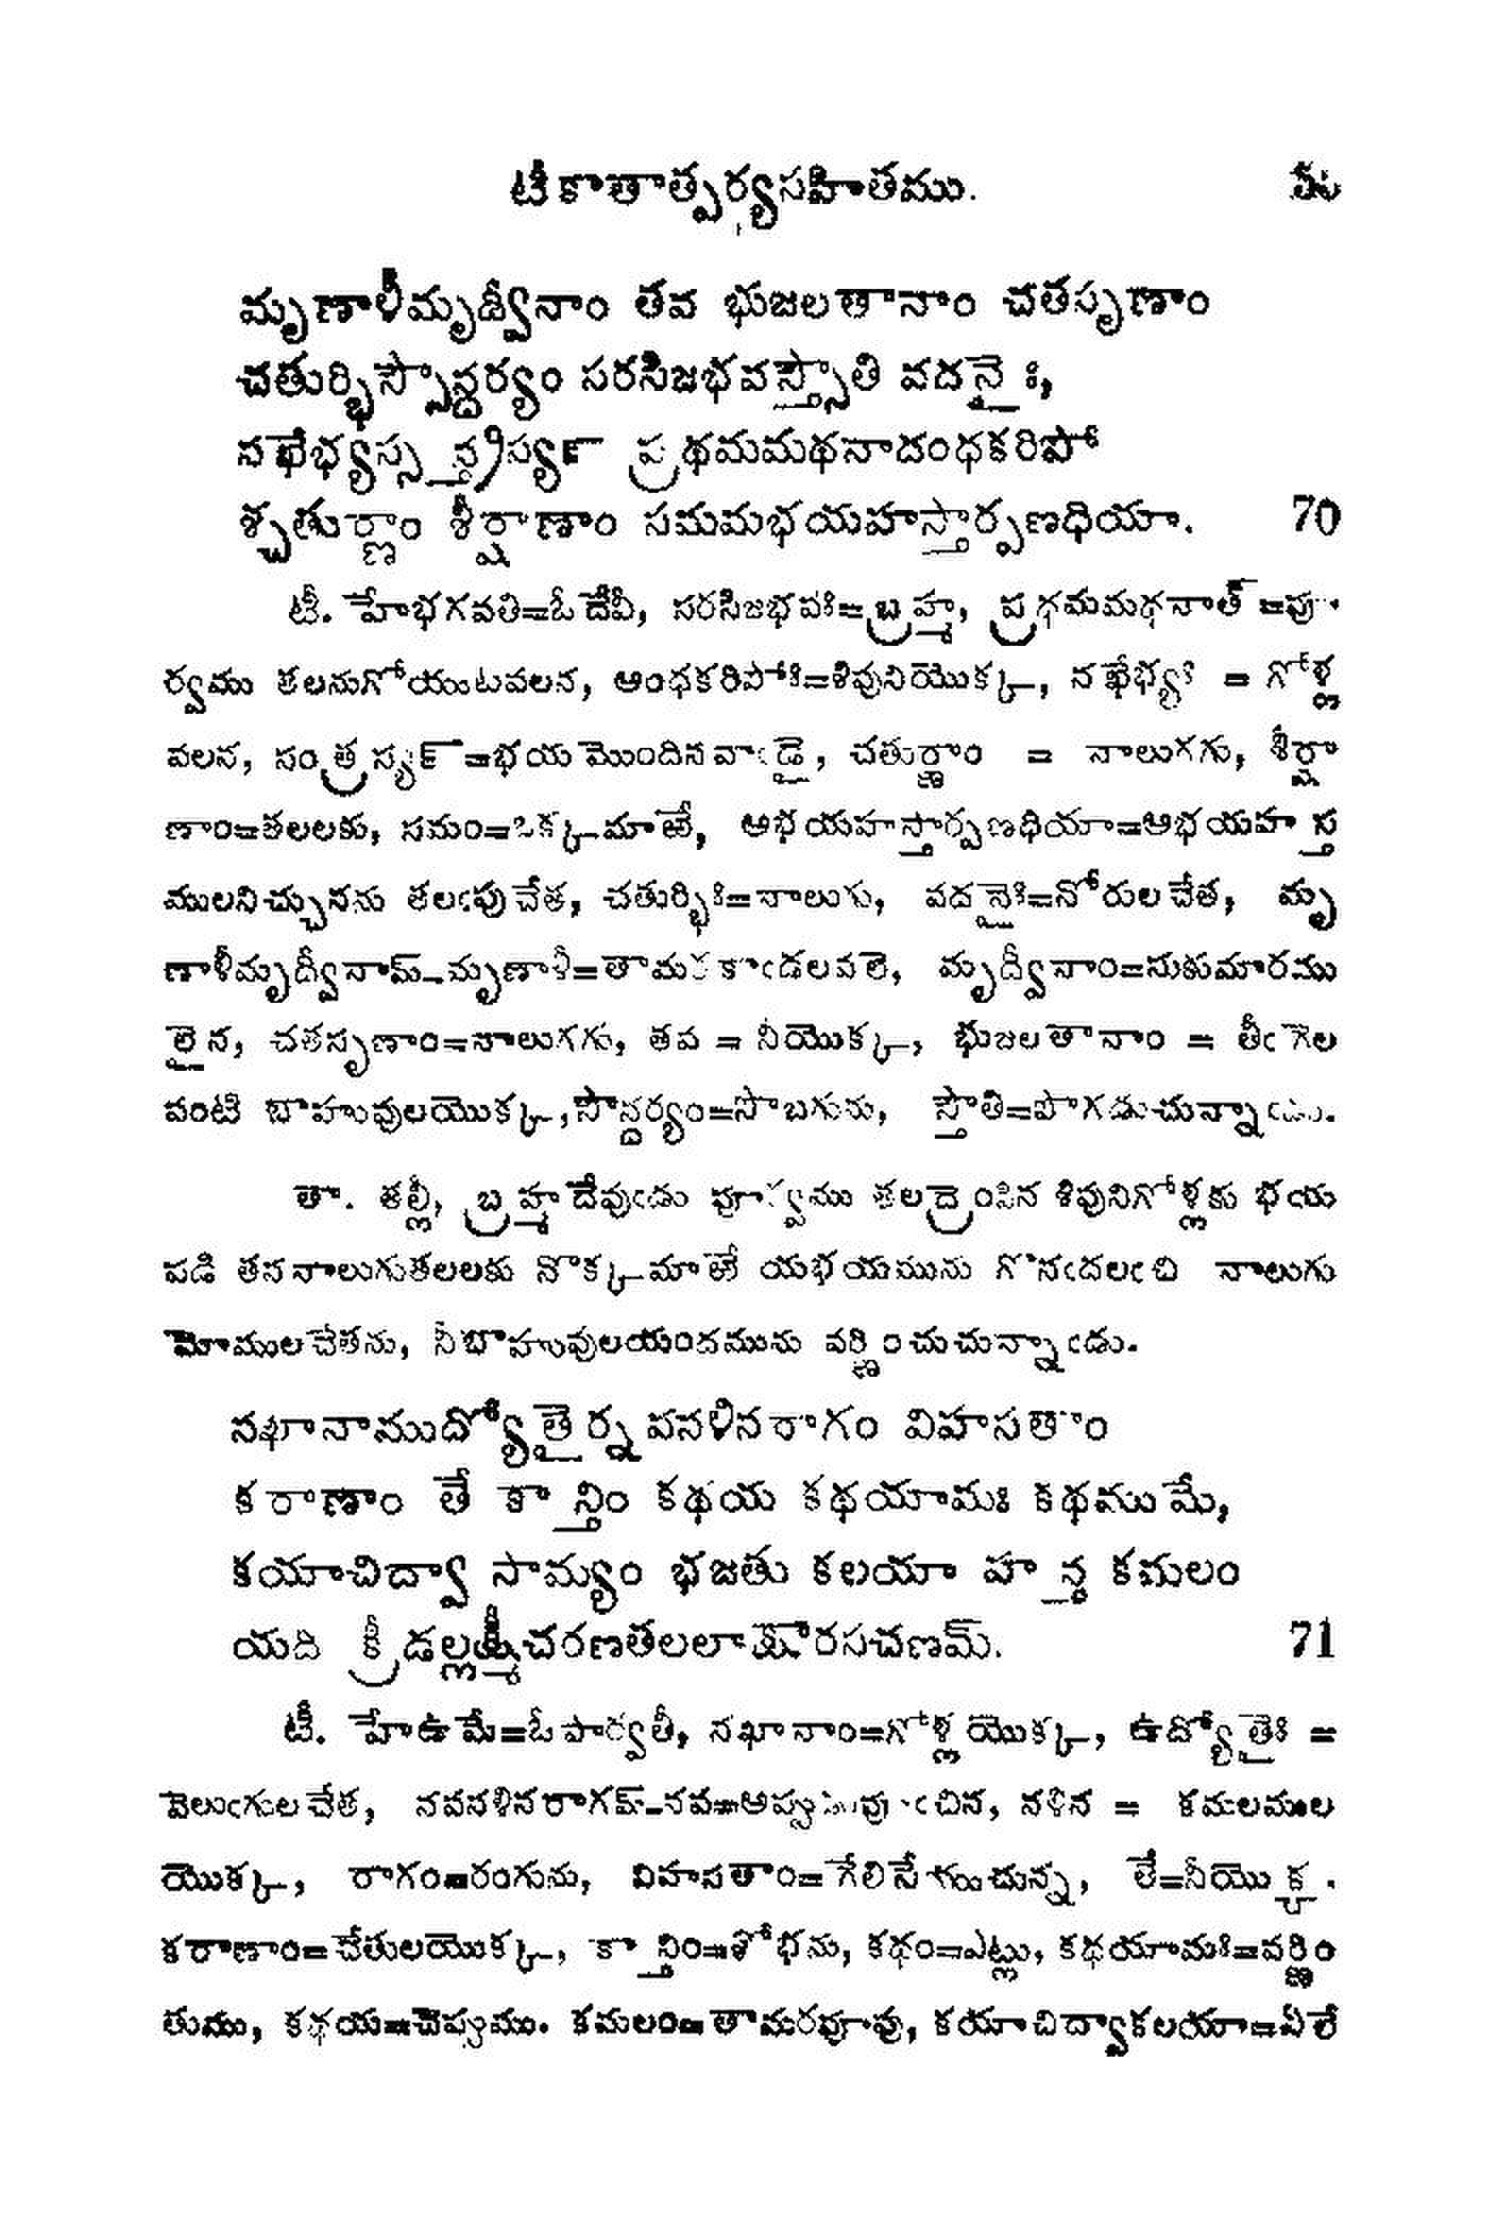మృణాళీమృద్వీనాం తవ భుజలతానాం చతసృణాం
చతుర్భిస్సౌన్దర్యం సరసిజభవస్స్తౌతి వదనైః,
నఖేభ్యస్సన్త్రస్యన్ ప్రథమమథనాదంధకరిపో
శ్చతుర్ణాం శీర్షాణాం సమమభయహస్తార్పణధియా. 70
టీ. హేభగవతి = ఓదేవి, సరసిజభవః = బ్రహ్మ, ప్రథమమథనాత్ = పూర్వము తలనుగోయుటవలన, అంధకరిపోః = శివునియొక్క, నఖేభ్యః = గోళ్లవలన, సంత్రస్యన్ = భయమొందినవాఁడై, చతుర్ణాం = నాలుగగు, శీర్షాణాం = తలలకు, సమం = ఒక్కమాఱే, అభయహస్తార్పణధియా = అభయహస్తములనిచ్చునను తలఁపుచేత, చతుర్భిః = నాలుగు, వదనైః = నోరులచేత, మృణాళీమృద్వీనామ్-మృణాళీ = తామరకాఁడలవలె, మృద్వీనాం = సుకుమారములైన, చతసృణాం = నాలుగగు, తవ = నీయొక్క, భుజలతానాం = తీఁగెలవంటి బాహువులయొక్క, సౌన్దర్యం = సొబగును, స్తౌతి = పొగడుచున్నాఁడు.

తా. తల్లీ, బ్రహ్మదేవుఁడు పూర్వము తలద్రెంపిన శివునిగోళ్లకు భయపడి తననాలుగుతలలకు నొక్కమాఱే యభయమును గొనఁదలఁచి నాలుగు మోములచేతను, నీబాహువులయందమును వర్ణించుచున్నాఁడు.

నఖానాముద్యోతైర్నవనళినరాగం విహసతాం
కరాణాం తే కాన్తిం కథయ కథయామః కథముమే,
కయాచిద్వా సామ్యం భజతు కలయా హన్త కమలం
యది క్రీడల్లక్ష్మీచరణతలలాక్షారసచణమ్. 71
టీ. హేఉమే = ఓపార్వతీ, నఖానాం = గోళ్లయొక్క, ఉద్యోతైః = వెలుఁగులచేత, నవనళినరాగమ్-నవ = అప్పుడుపూఁచిన, నళిన = కమలములయొక్క, రాగం = రంగును, విహసతాం = గేలిసేయుచున్న, తే = నీయొక్క, కరాణాం = చేతులయొక్క, కాన్తిం = శోభను, కథం = ఎట్లు, కథయామః = వర్ణింతుము, కథయ = చెప్పుము. కమలం = తామరపూవు, కయాచిద్వాకలయా = ఏలే